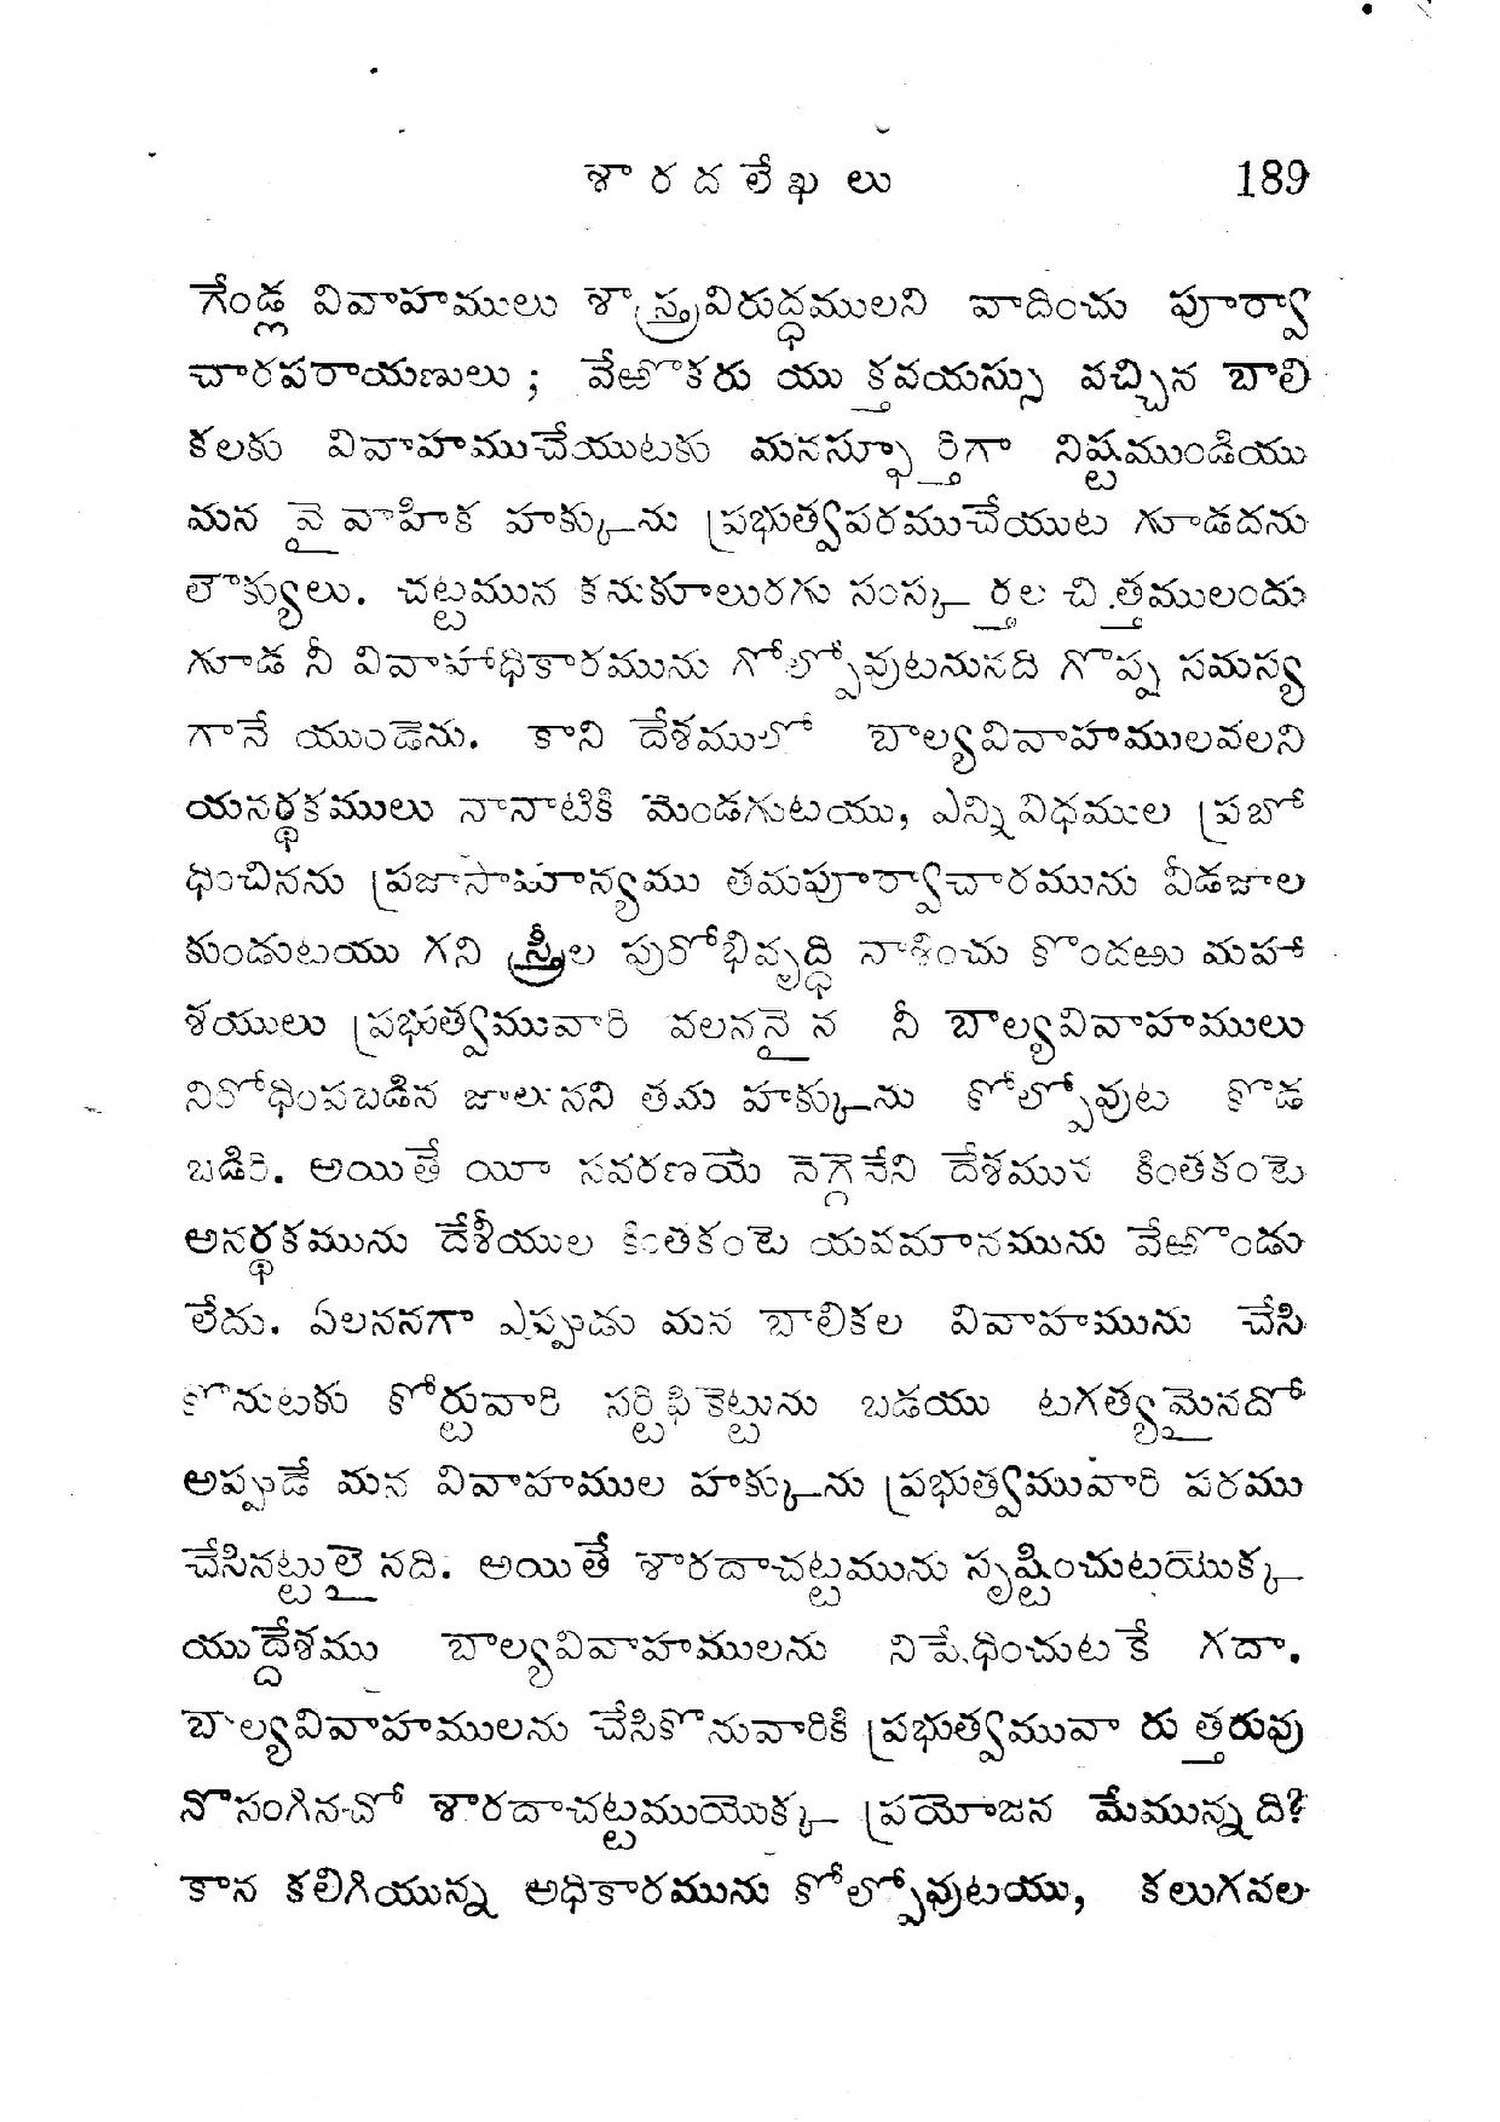గేండ్ల వివాహములు శాస్త్రవిరుద్ధములని వాదించు పూర్వాచారపరాయణులు ; వేఱొకరు యుక్తవయస్సు వచ్చిన బాలికలకు వివాహముచేయుటకు మనస్ఫూర్తిగా నిష్టముండియు మన వైవాహిక హక్కును ప్రభుత్వపరముచేయుట గూడదను లౌక్యులు. చట్టమున కనుకూలురగు సంస్కర్తల చిత్తములందు గూడ నీ వివాహాధికారమును గోల్పోవుటనునది గొప్ప సమస్యగానే యుండెను. కాని దేశములో బాల్యవివాహములవలని యనర్థకములు నానాటికి మెండుగుటయు, ఎన్నివిధముల ప్రబోధించినను ప్రజాసామాన్యము తమపూర్వాచారమును వీడజాలకుండుటయు గని స్త్రీల పురోభివృద్ధి నాశించు కొందఱు మహాశయులు ప్రభుత్వమువారి వలననైన నీ బాల్యవివాహములు నిరోధింపబడిన జాలునని తమ హక్కును కోల్పోవుట కొడబడిరి. అయితే యీ సవరణయే నెగ్గినేని దేశమును కింతకంటె అనర్థకమును దేశీయుల కింతకంటె యవమానమును వేఱొండు లేదు. ఏలననగా ఎప్పుడు మన బాలికల వివాహమును చేసికొనులకు కోర్టువారి సర్టిఫికెట్టును బడయు టగత్యమైనదో అప్పుడే మన వివాహముల హక్కును ప్రభుత్వమువారి పరము చేసినట్టులైనది. అయితే శారదాచట్టమును సృష్టించుటయొక్క యుద్దేశము బాల్యవివాహములను నిషేధించుటకే గదా. బాల్యవివాహములను చేసికొనువారికి ప్రభుత్వమువా రుత్తరువు
నొసంగినచో శారదాచట్టముయొక్క ప్రయోజన మేమున్నది? కాన కలిగియున్న అధికారమును కోల్పోవుటయు, కలుగవల